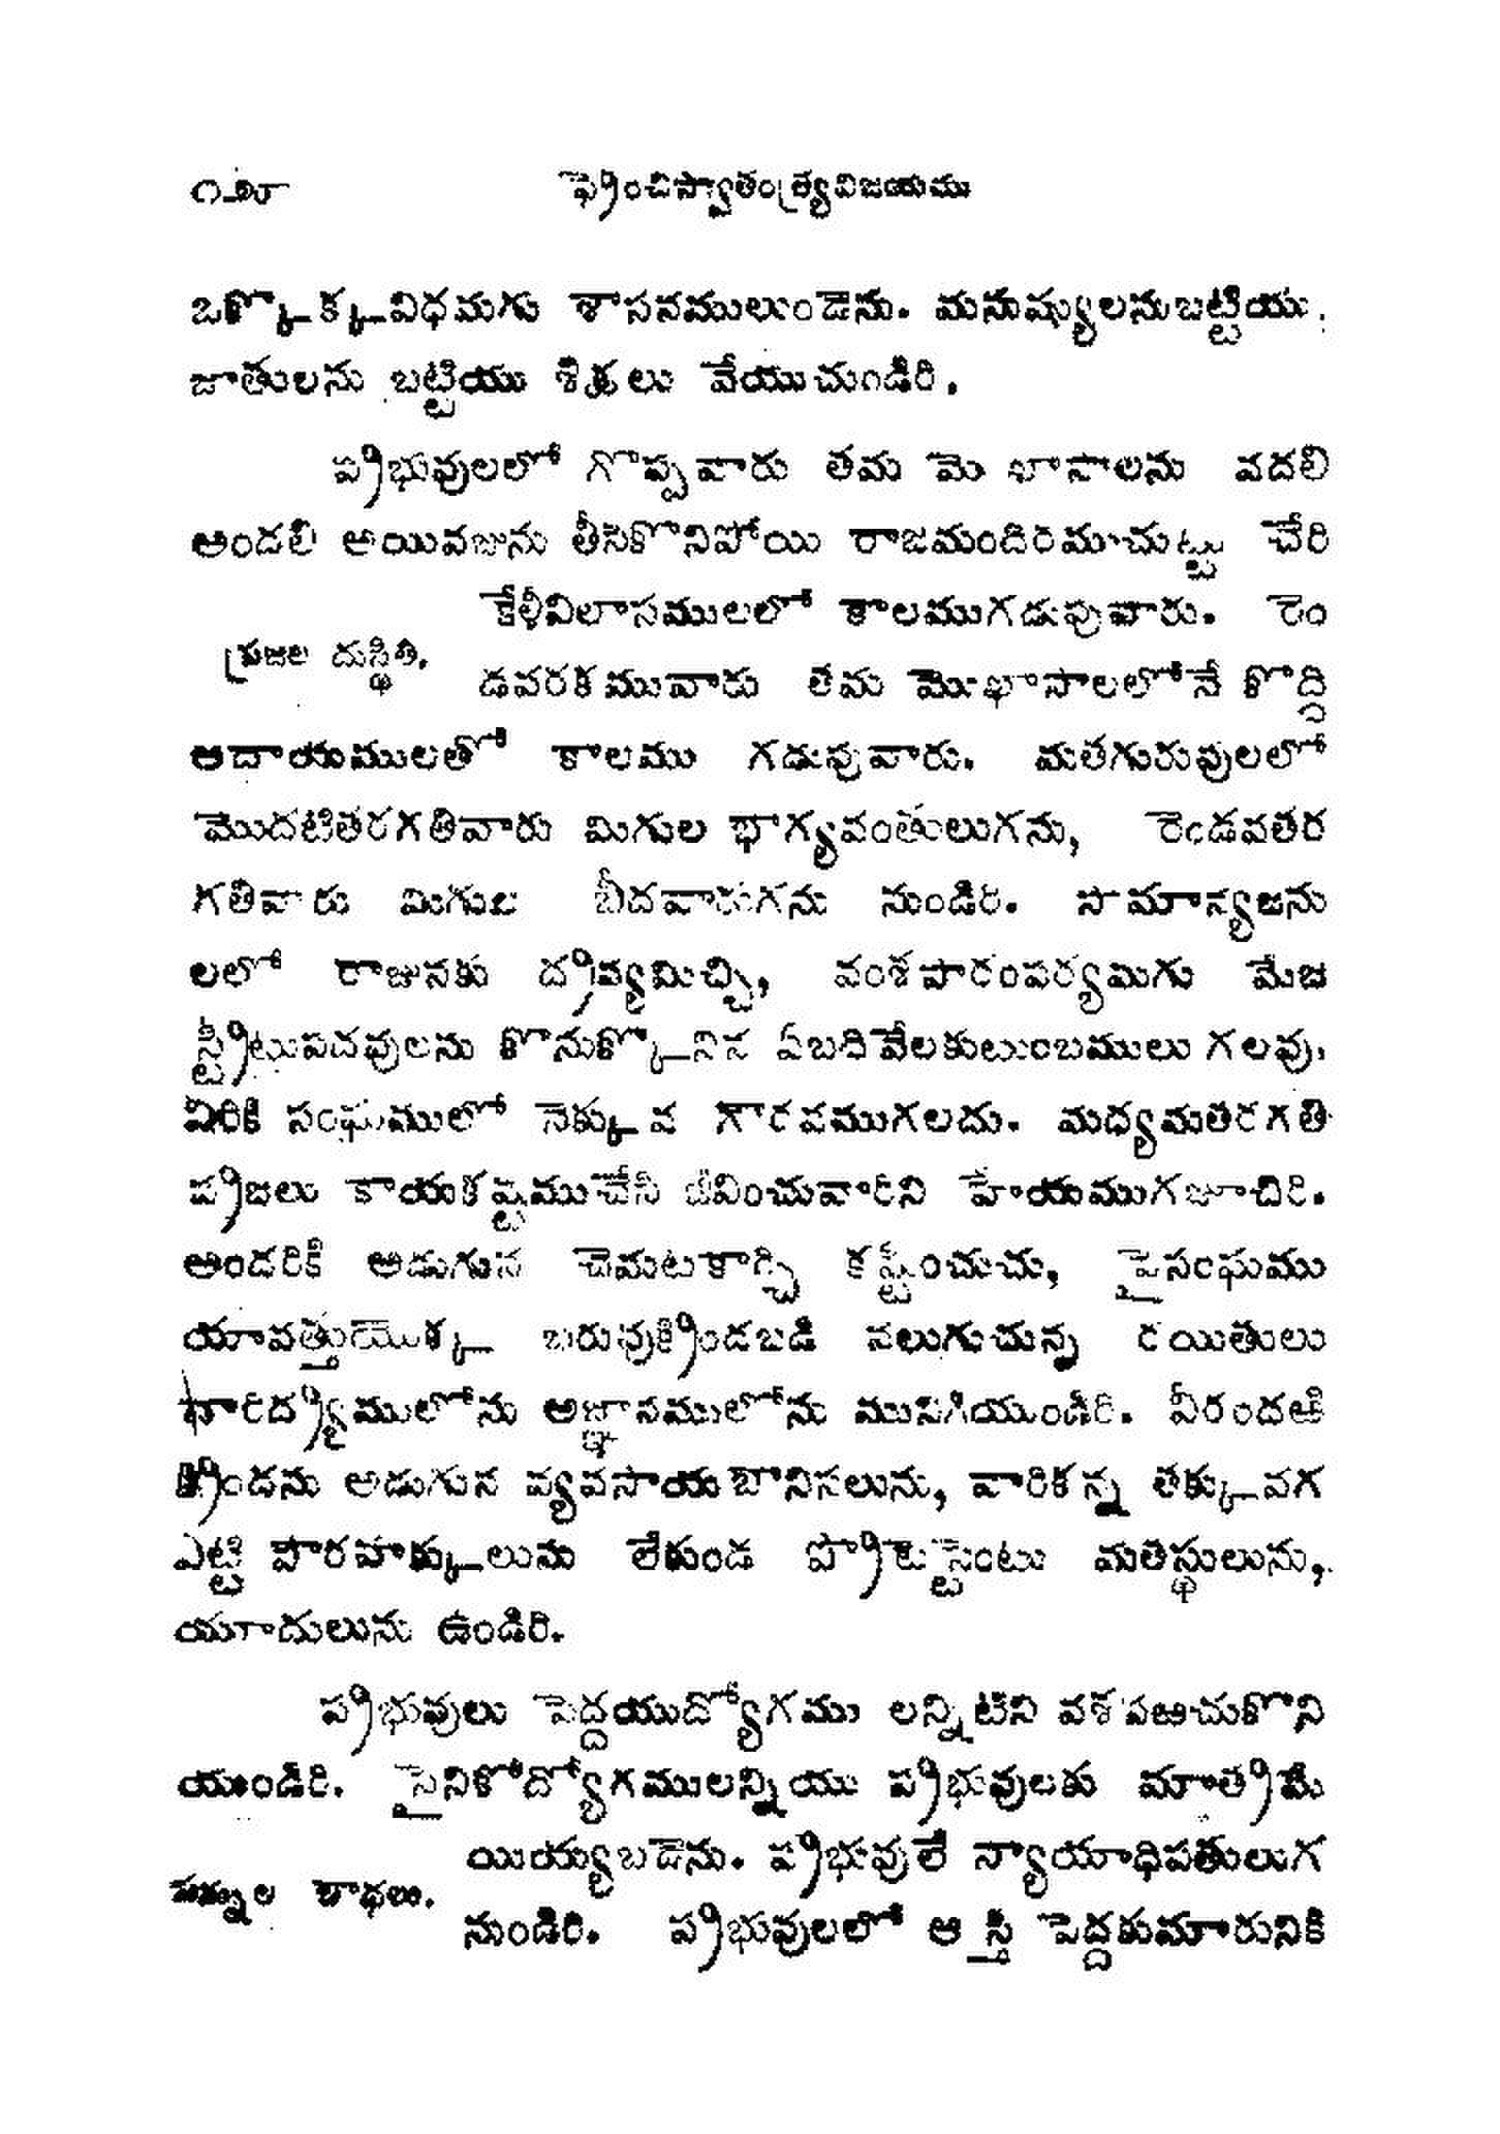ఒక్కొక్క విధమగు శాసనములుండెను. మనుష్యులను బట్టియు .
జూతులను బట్టియు శిక్షలు వేయుచుండిరి .

ప్రజల దుస్థితి.
ప్రభువులలో గొప్ప వారు తమ 'మొఖాసాలను వదలి
అందలి అయివజును తీసికొనిపోయి రాజమందిరము చుట్టు చేరి
కేళీవిలాసములలో కాలముగడుపువారు రెండవరకమువారు 
తమ మొఖాసాలలోనే కొద్ది ఆదాయములతో కాలము గడుపువారు. 
మతగురువులలో మొదటి తరగతివారు మిగుల భాగ్యవంతులుగను, 
రెండవతరకము వారు బీదవారును నుండిరి. సామాన్యజను
లలో రాజునకు ద్రవ్యమిచ్చి, వంశ పారంపర్యమగు మేజ
స్ట్రీటు పదవులను కొనుక్కొనిన ఏబది వేలకుటుంబములు గలవు,
వీరికి సంఘములో నెక్కువ గౌరవముగలదు. మధ్యమతరగతి
ప్రజలు కాయకష్టము చేసి జీవించువారిని హేయముగజూచి .
అందరికి అడుగున చెమట కార్చి కష్టించుచు, పై సంఘము
యావత్తు యొక్క బరువు క్రిందబడి నలుగుచున్న
వారి దారిద్ర్యములోసు అజ్ఞానములోను ముగియుండిరి. వీరందరి
క్రిందను అడుగుస వ్యవసాయ బానిసలును, వారికన్న తక్కువగా
ఎట్టి పౌరహక్కులును లేకుండ ప్రొటెస్టంటు మతస్థులును,,
యూదులును ఉండిరి.

పన్నుల బాథలు.
ప్రభువులు "పెద్దయుద్యోగము లన్నిటిని వశ పరచుకొని
యుండిరి. సైనికోద్యోగములన్నియు ప్రభువులకు మాత్రమే
యియ్యబడెను. ప్రభువులే న్యాయాధిపతులుగ నుండిరి. 
ప్రభువులలో ఆస్తి పెద్ద కుమారునికి